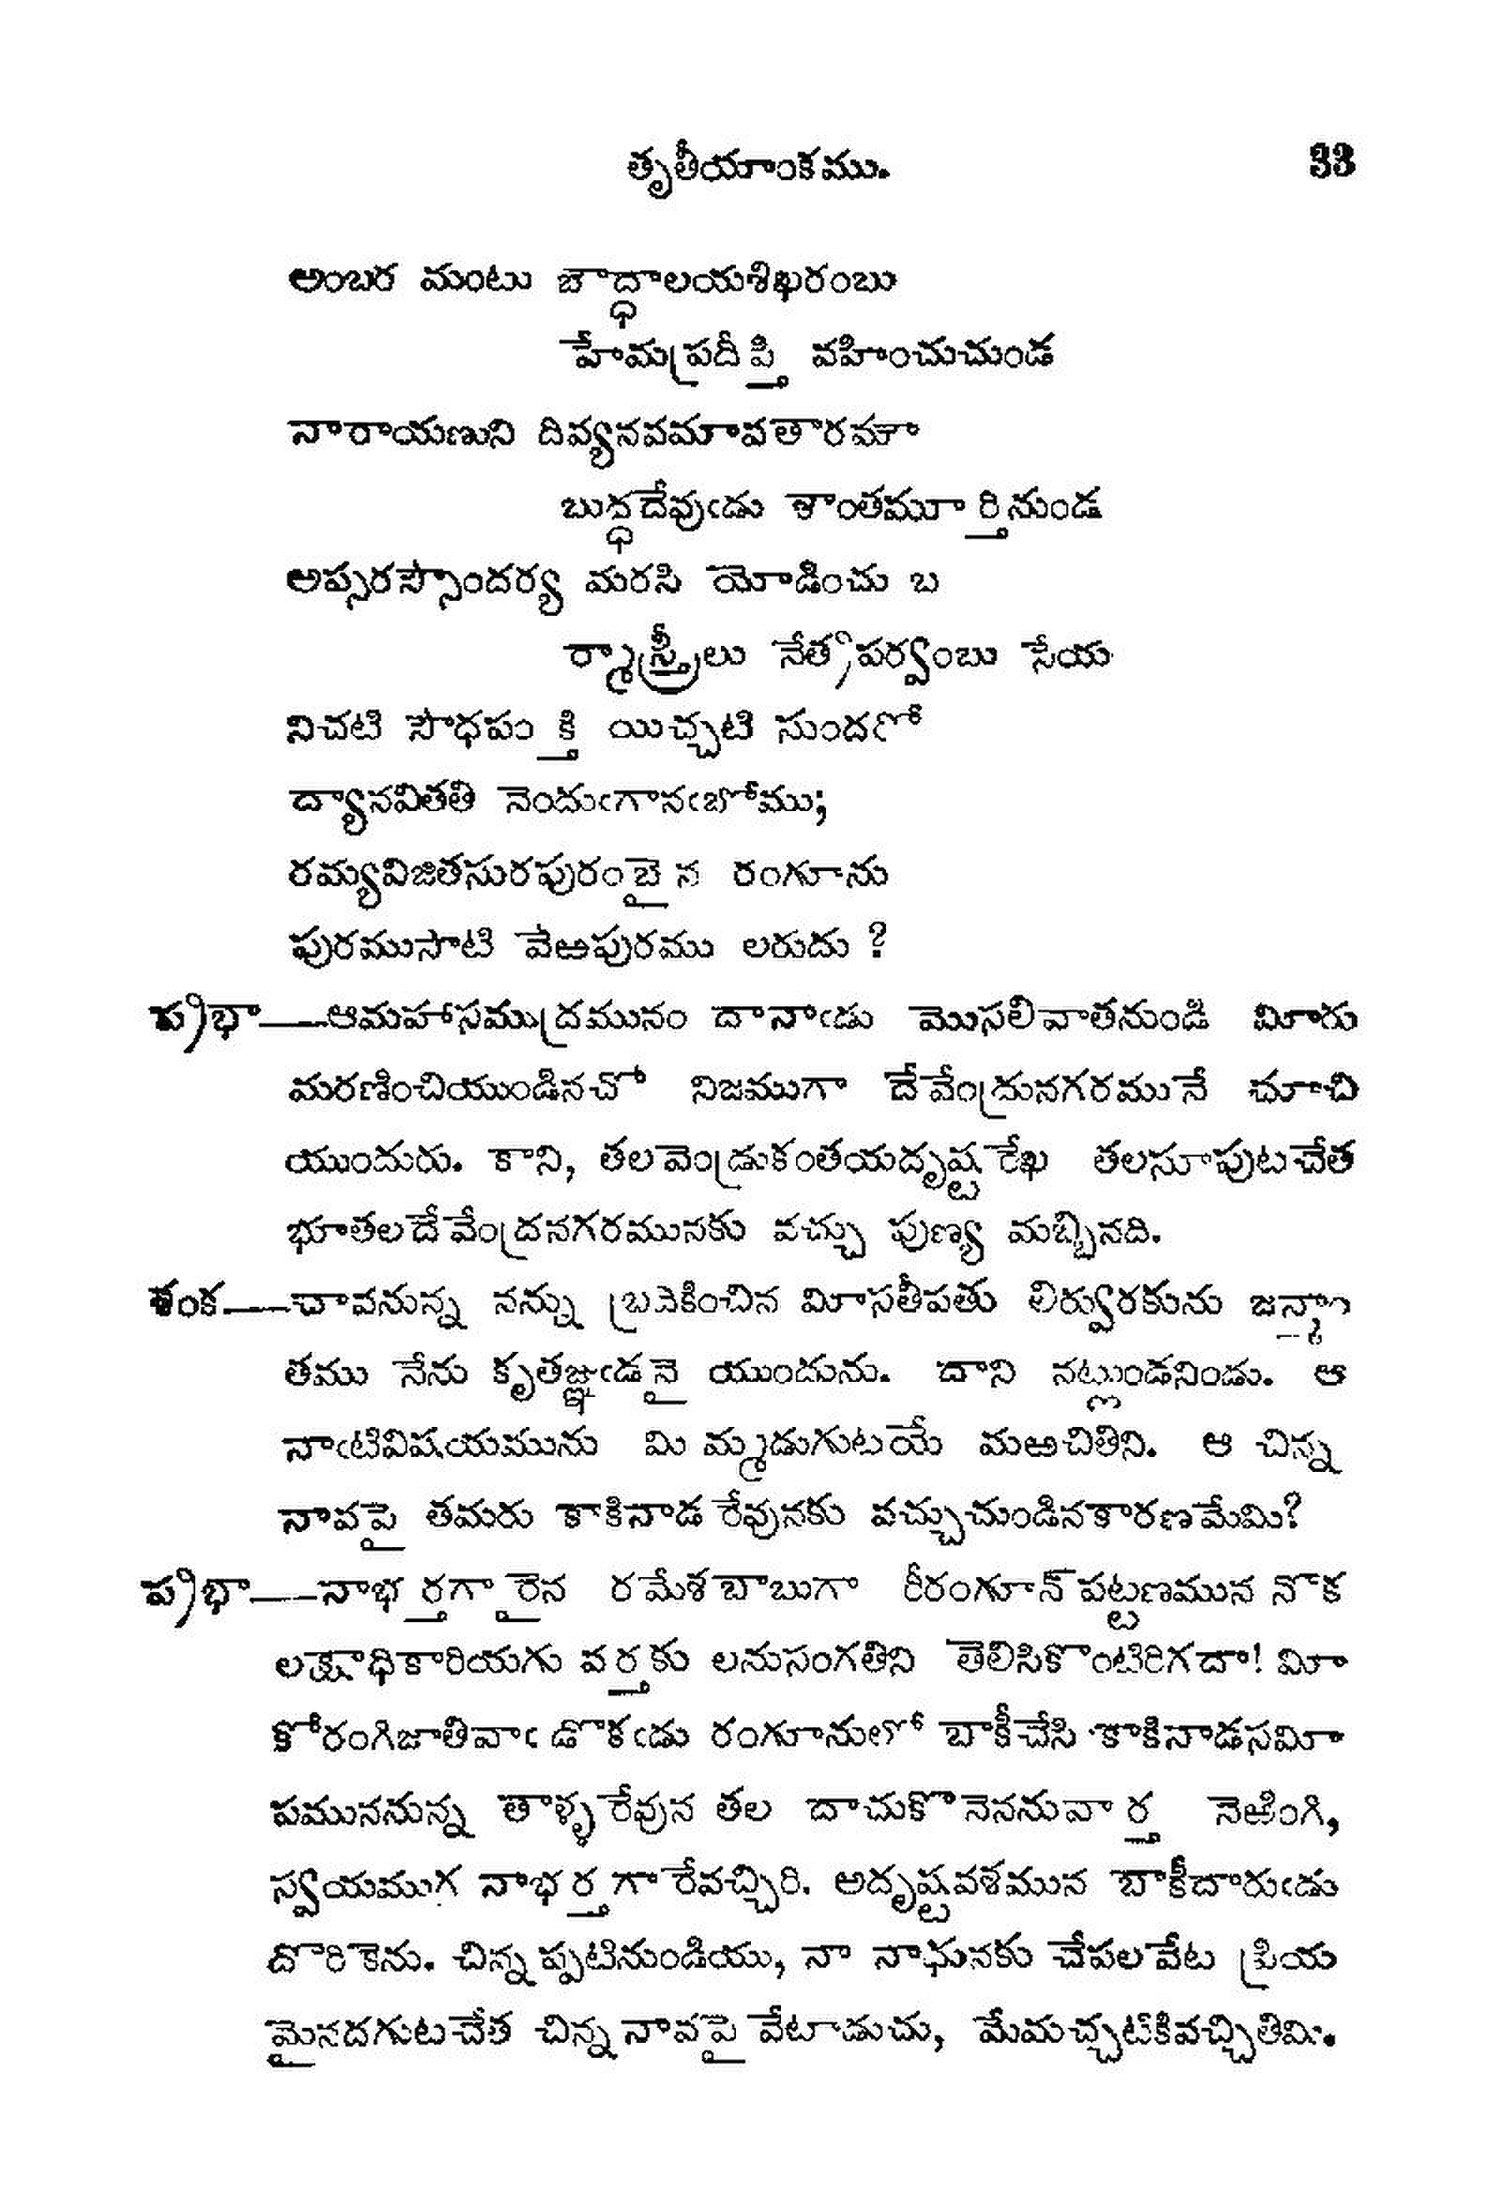అంబర మంటు బౌద్ధాలయశిఖరంబు
 హేమప్రదీప్తి వహించుచుండ
 నారాయణుని దివ్యనవమావతారమౌ
 బుద్ధదేవుడు శాంతమూర్తినుండ
 అప్సరస్సౌందర్య మరసి యోడించు బ
 ర్మాస్త్రీలు నేత్రపర్వంబు సేయ

 నిచటి సౌధపంక్తి యిచ్చటి సుందరో
 ద్యానవితతీ నెందుఁగానఁబోము;
 రమ్యవిజితసురపురంబైన రంగూను
 పురముసాటి వేఱపురము లరుదు ?
ప్రభా - ఆమహాసముద్రమునం దానాఁడు మొసలివాతనుండి మీరు మరణించియుండినచో నిజముగా దేవేంద్రునగరమునే చూచి యుందురు. కాని, తలవెండ్రుకంతయదృష్టరేఖ తలసూపుట చేత భూతలదేవేంద్రనగరమునకు వచ్చు పుణ్య మబ్బినది.

శంక - చావనున్న నన్ను బ్రదికించిన మాసతీపతు లిర్వురకును జన్మాంతము నేను కృతజ్ఞుడనై యుందును. దాని నట్లుండనిండు. ఆ నాఁటివిషయమును మిమ్మడుగుటయే మఱచితిని. ఆ చిన్న
నావపై తమరు కాకినాడ రేవునకు వచ్చుచుండినకారణమేమి?

ప్రభా -- నాభర్తగారైన రమేశబాబుగా రీరంగూన్ పట్టణమున నొక లక్షాధికారియగు వర్తకు లనుసంగతిని తెలిసికొంటిరిగదా! మీ కోరంగిజాతివాఁడొకఁడు రంగూనులో బాకీచేసి కాకినాడ సమీపముననున్న తాళ్ళరేవున తల దాచుకొనెననువార్త నెఱింగి, స్వయముగ నాభర్తగారేవచ్చిరి. అదృష్టవశమున బాకీదారుఁడు దొరికెను. చిన్నప్పటినుండియు, నా నాధునకు చేపలవేట ప్రియ
మైనదగుటచేత చిన్ననావపై వేటాడుచు, మేమచ్చటికివచ్చితిమి.